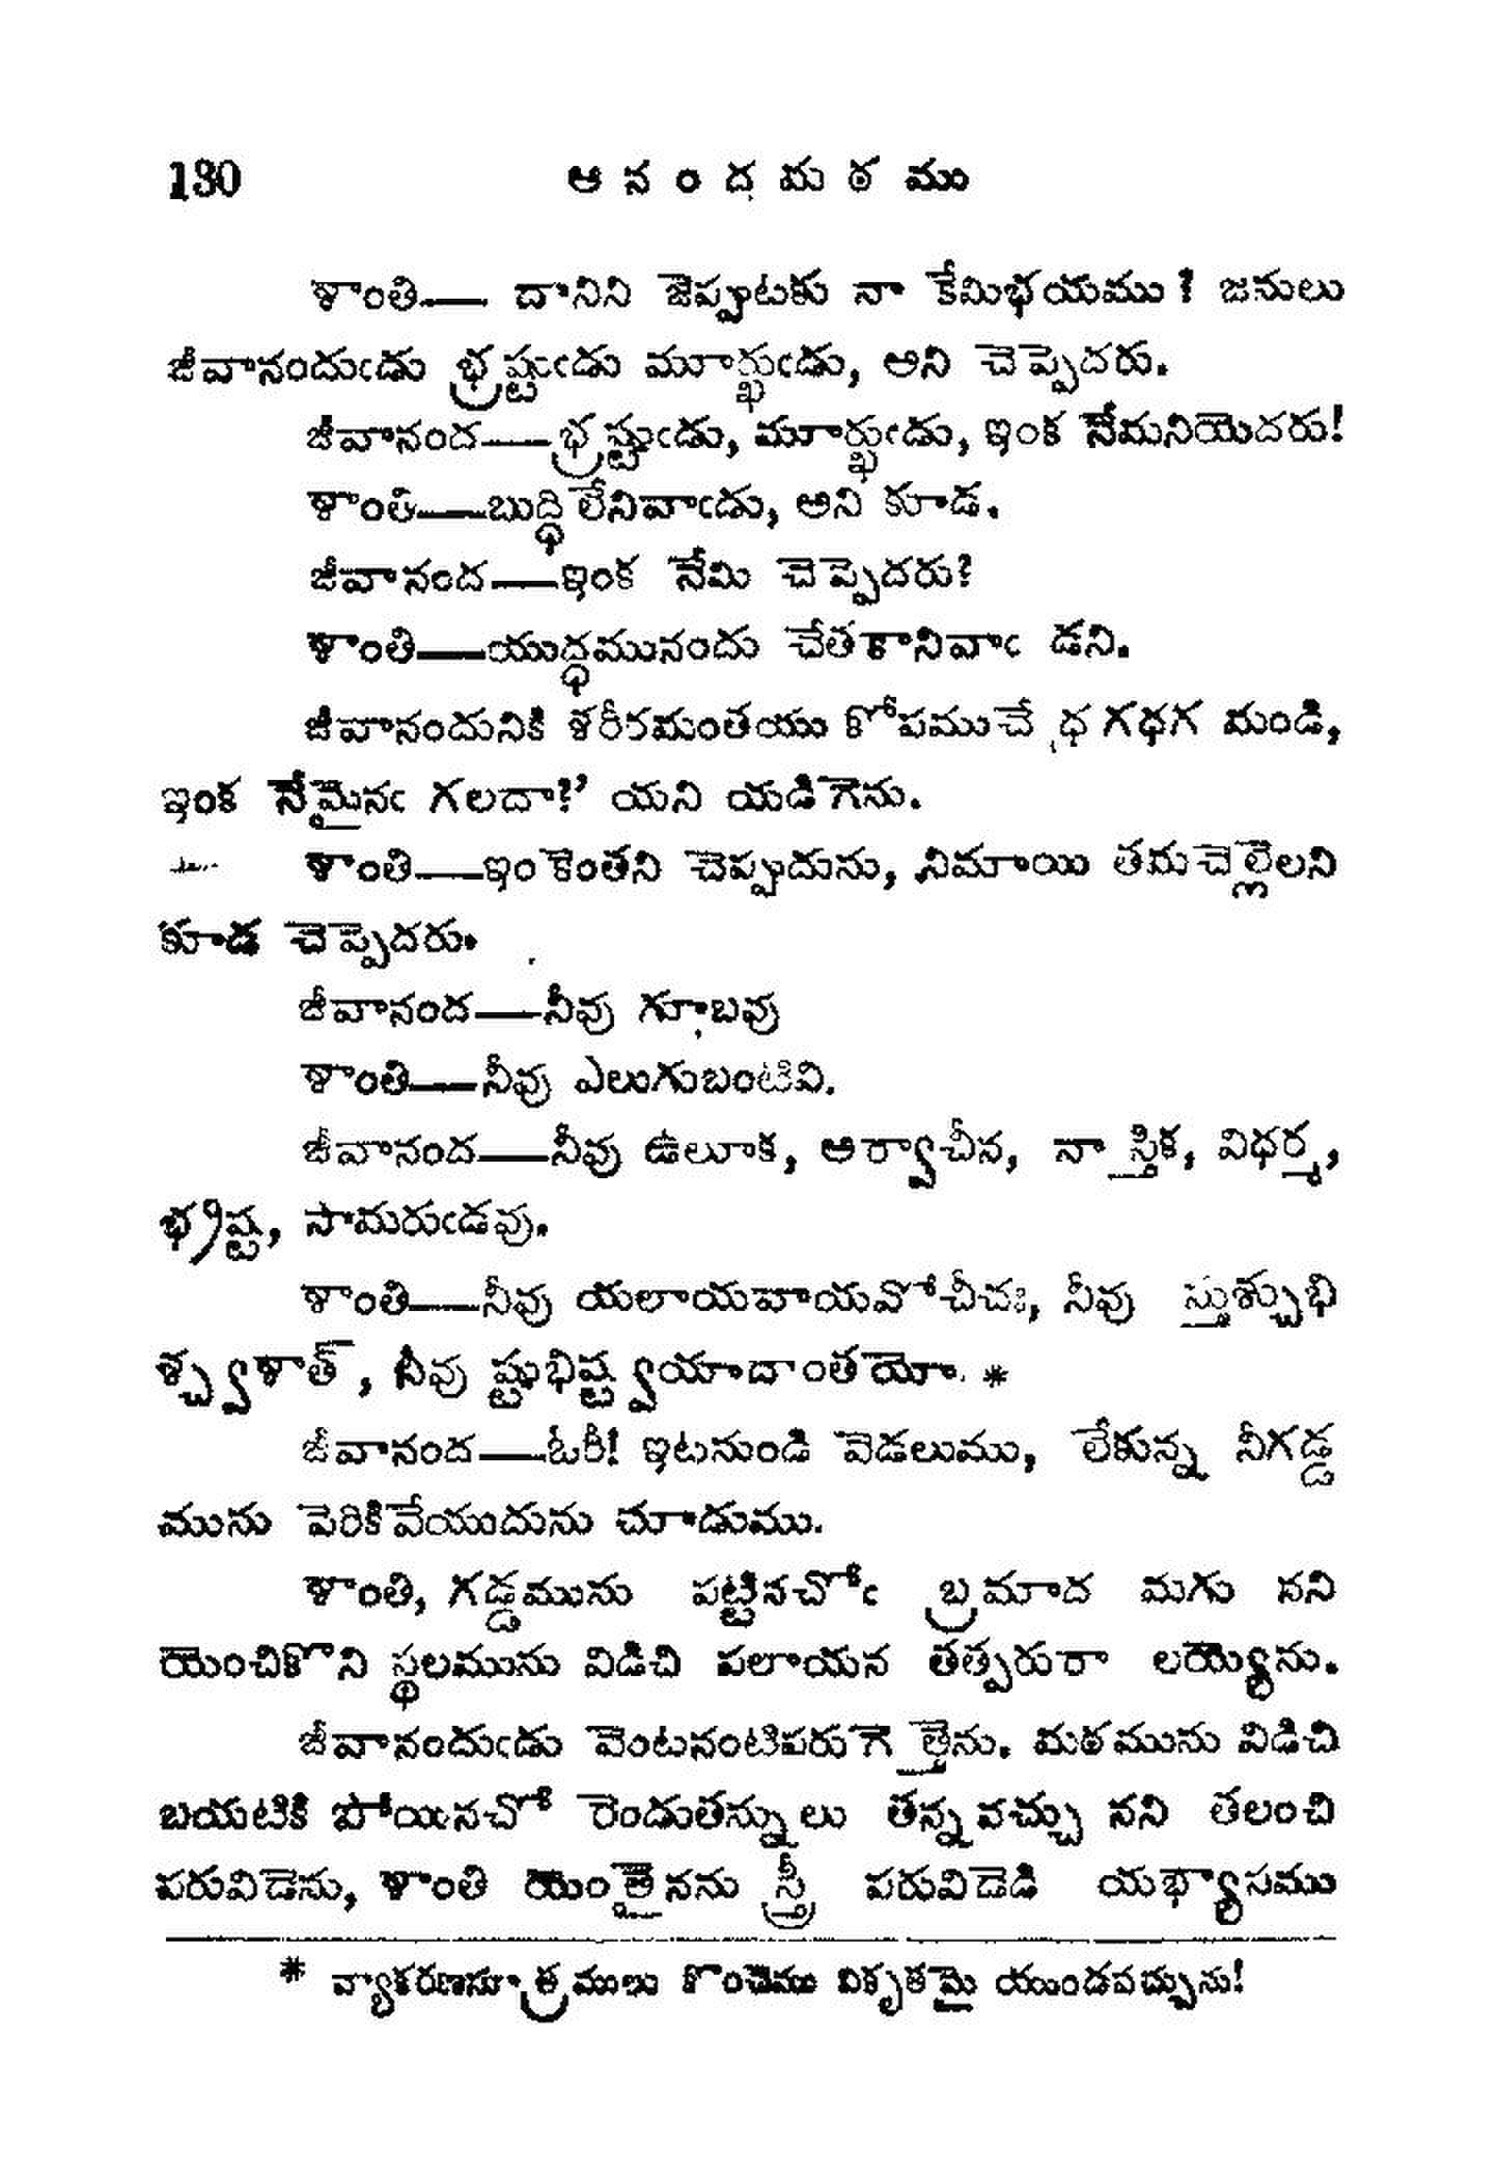శాంతి—— దానిని జెప్పుటకు నా కేమిభయము ? జనులు జీవానందుఁడు భ్రష్టుఁడు మూర్ఖుఁడు, అని చెప్పెదరు.

జీవానంద—— భ్రష్టుఁడు, మూర్ఖుఁడు, ఇంక నేమనియెదరు!

శాంతి——బుద్ధి లేనివాఁడు, అని కూడ.

జీవానంద—— ఇంక నేమి చెప్పెదరు?

శాంతి—— యుద్ధమునందు చేతకానివాఁ డని.

జీవానందునికి శరీరమంతయు కోపముచే ధగధగ మండి, ఇంక నేమైనఁ గలదా!' యని యడిగెను.

శాంతి——ఇంకెంతని చెప్పుదును, నిమాయి తన చెల్లెలని కూడ చెప్పెదరు.

జీవానంద——నీవు గూబవు

శాంతి—— నీవు ఎలుగుబంటివి.

జీవానంద——నీవు ఉలూక, ఆర్వాచీన, నాస్తిక, విధర్మ, భ్రష్ట, సామరుఁడవు.

శాంతి——నీవు యలాయవాయవోచీచః, నీవు స్తుశ్చుభిశ్చ్వళాత్ , నీవు ష్టుభిష్ట యాదాంతయో. *

జీవానంద——ఓరీ! ఇటనుండి వెడలుము, లేకున్న నీగడ్డమును పెరికి వేయుదును చూడుము.

శాంతి, గడ్డమును పట్టినచోఁ బ్రమాద మగు ననియెంచికొని స్థలమును విడిచి పలాయన తత్పరురా లయ్యెను.

జీవానందుఁడు వెంటనంటి పరుగెత్తెను, మఠమును విడిచి బయటికి పోయినచో రెండుతన్నులు తన్నవచ్చు నని తలంచి
పరువిడెను, శాంతి యెంతైనను స్త్రీ పరువిడెడి యభ్యాసము